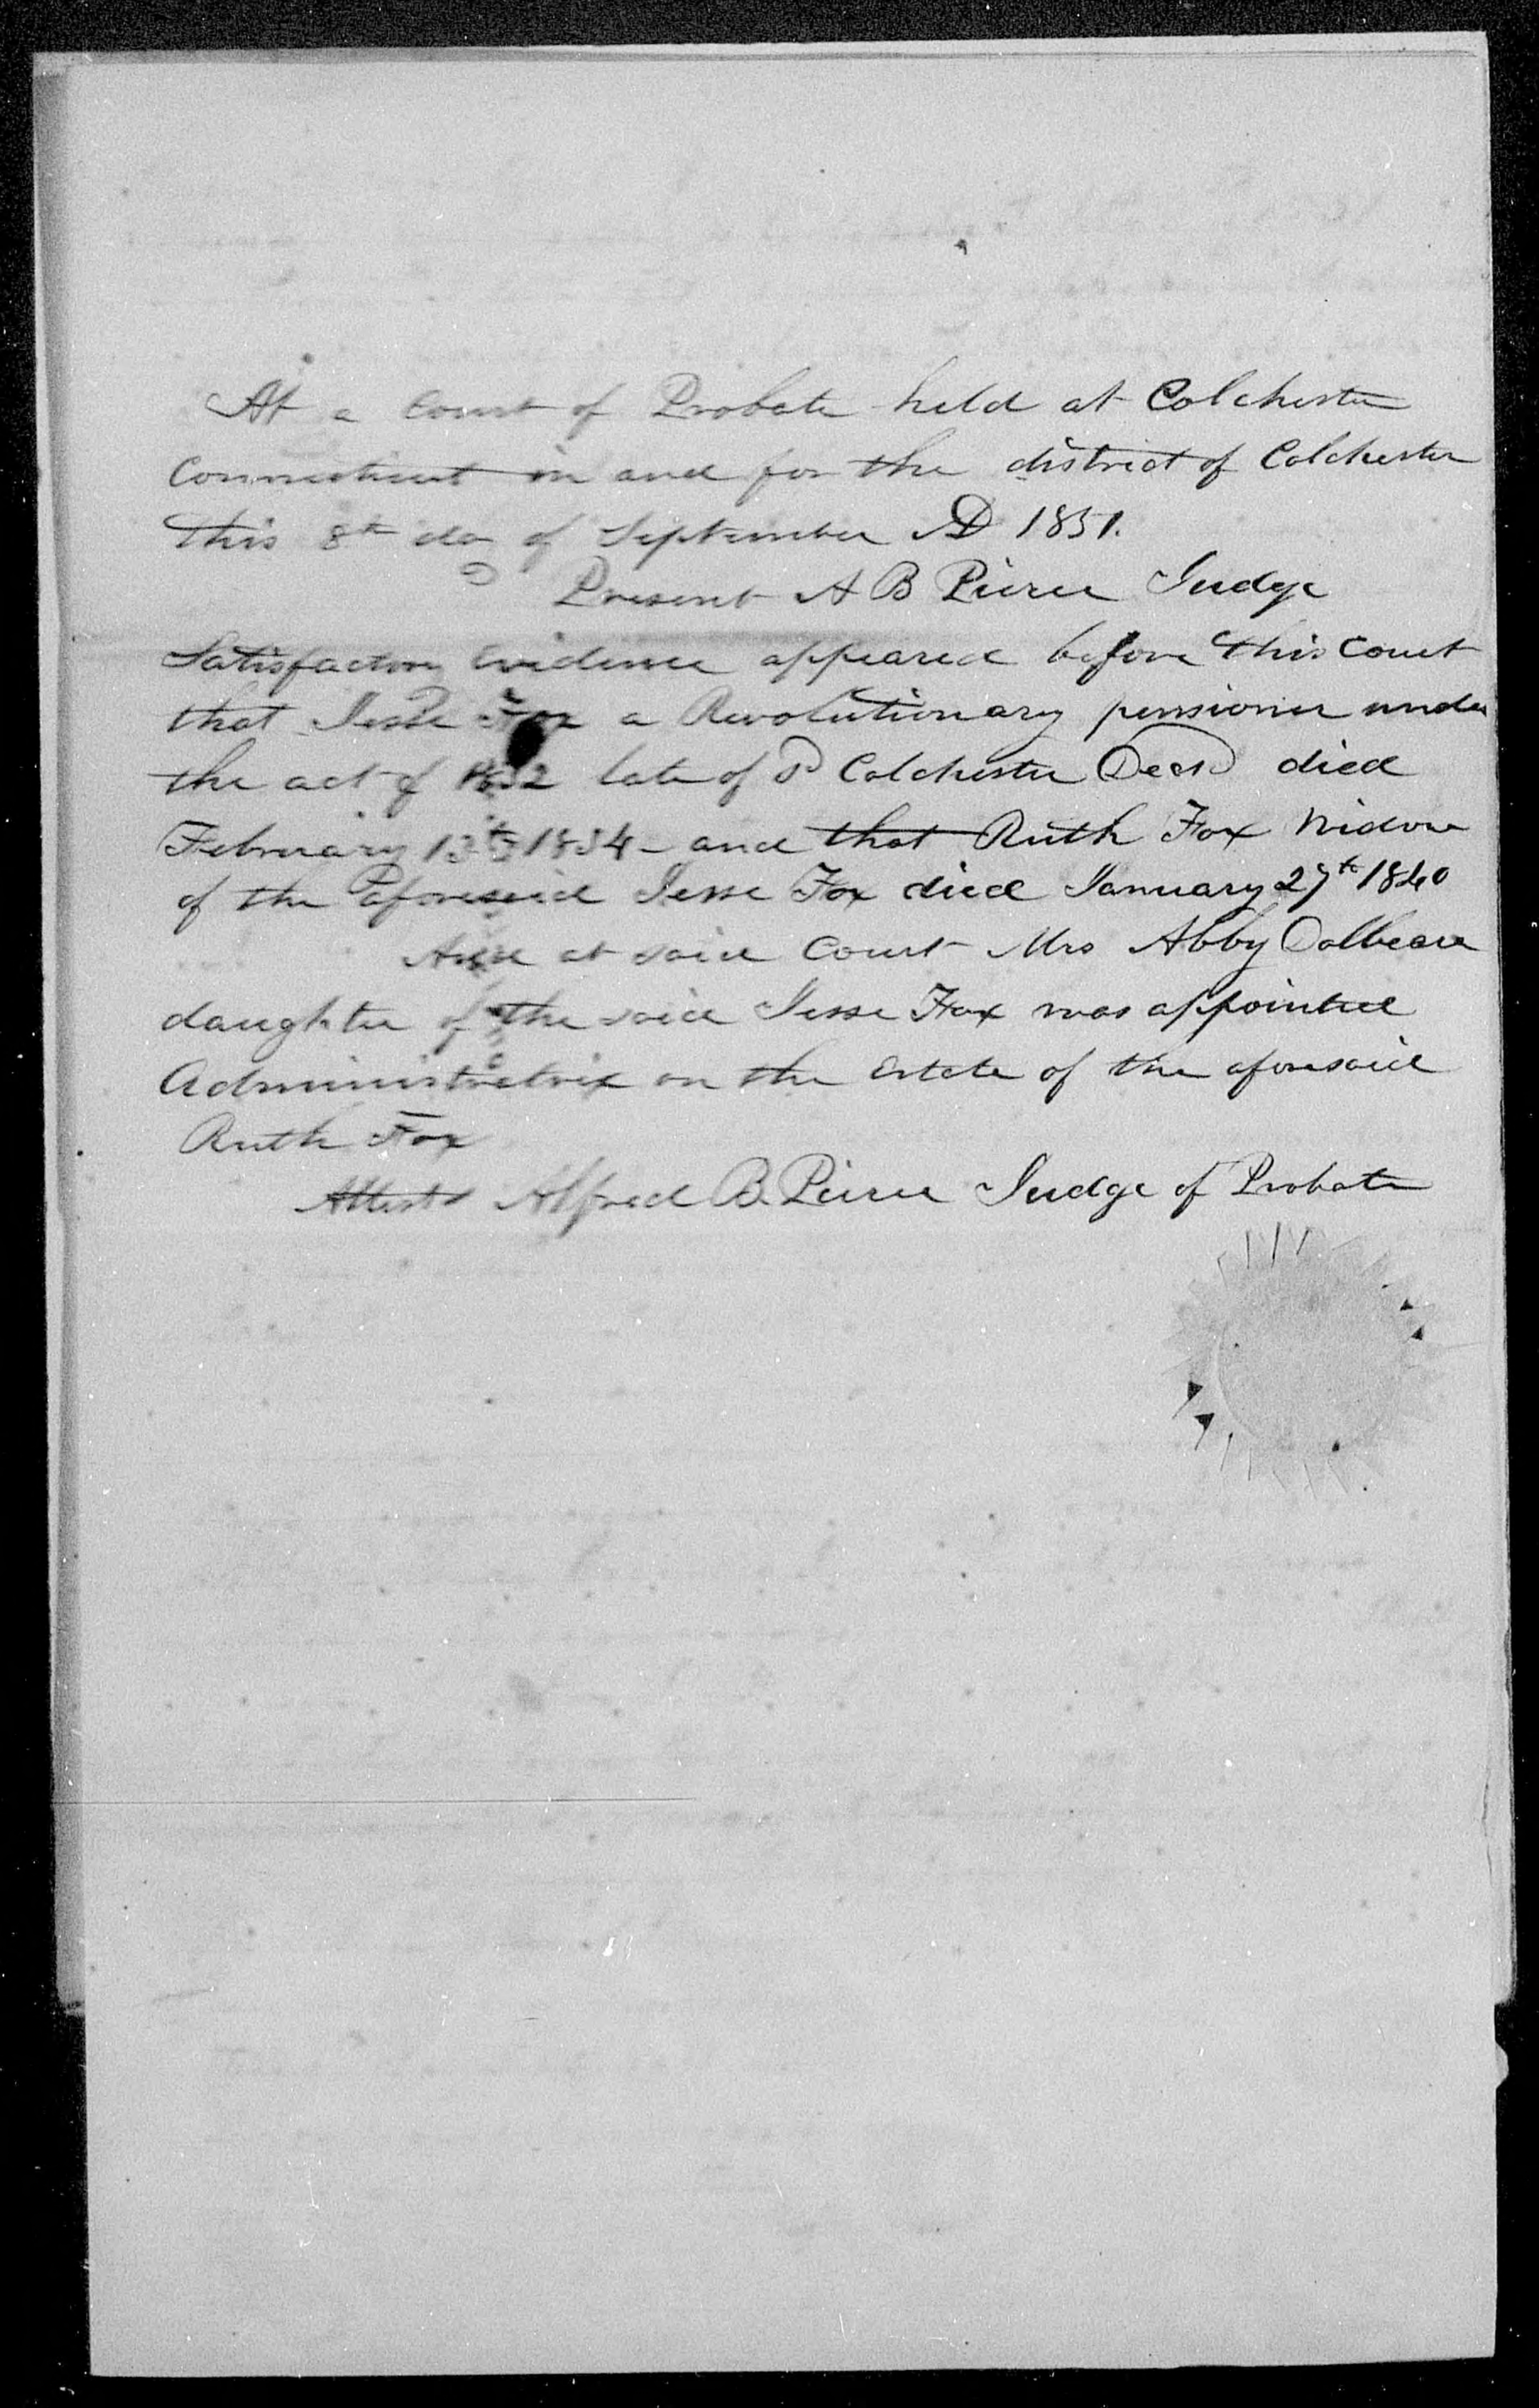At a Court of Probate held at Colchester Connecticut in and for the district of Colchester this 8th day of September AD 1851.
Present AB Pierce Judge
Satisfactory evidence appeared before this Court that Jesse Fox a Revolutionary pensioner under the act of 1832 late of sd Colchester deasd died February 13th 1854 and that Ruth Fox widow of the aforesaid Jesse Fox died January 27th 1840.
And at said Court Mrs Abby Dolbear daughter of the said Jesse Fox was appointed administrator on the estate of the aforesaid Ruth Fox.

Attest Alfred B Pierce Judge of Probate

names: Jesse Fox, Abby Dolbeare, Ruth Fox, Ruth Fox, Jesse Fox, Alfred B Pierce, Jesse Fox, A B Pierce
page: 11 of 53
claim: rejected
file: R. 3732, Jesse Fox, Conn.